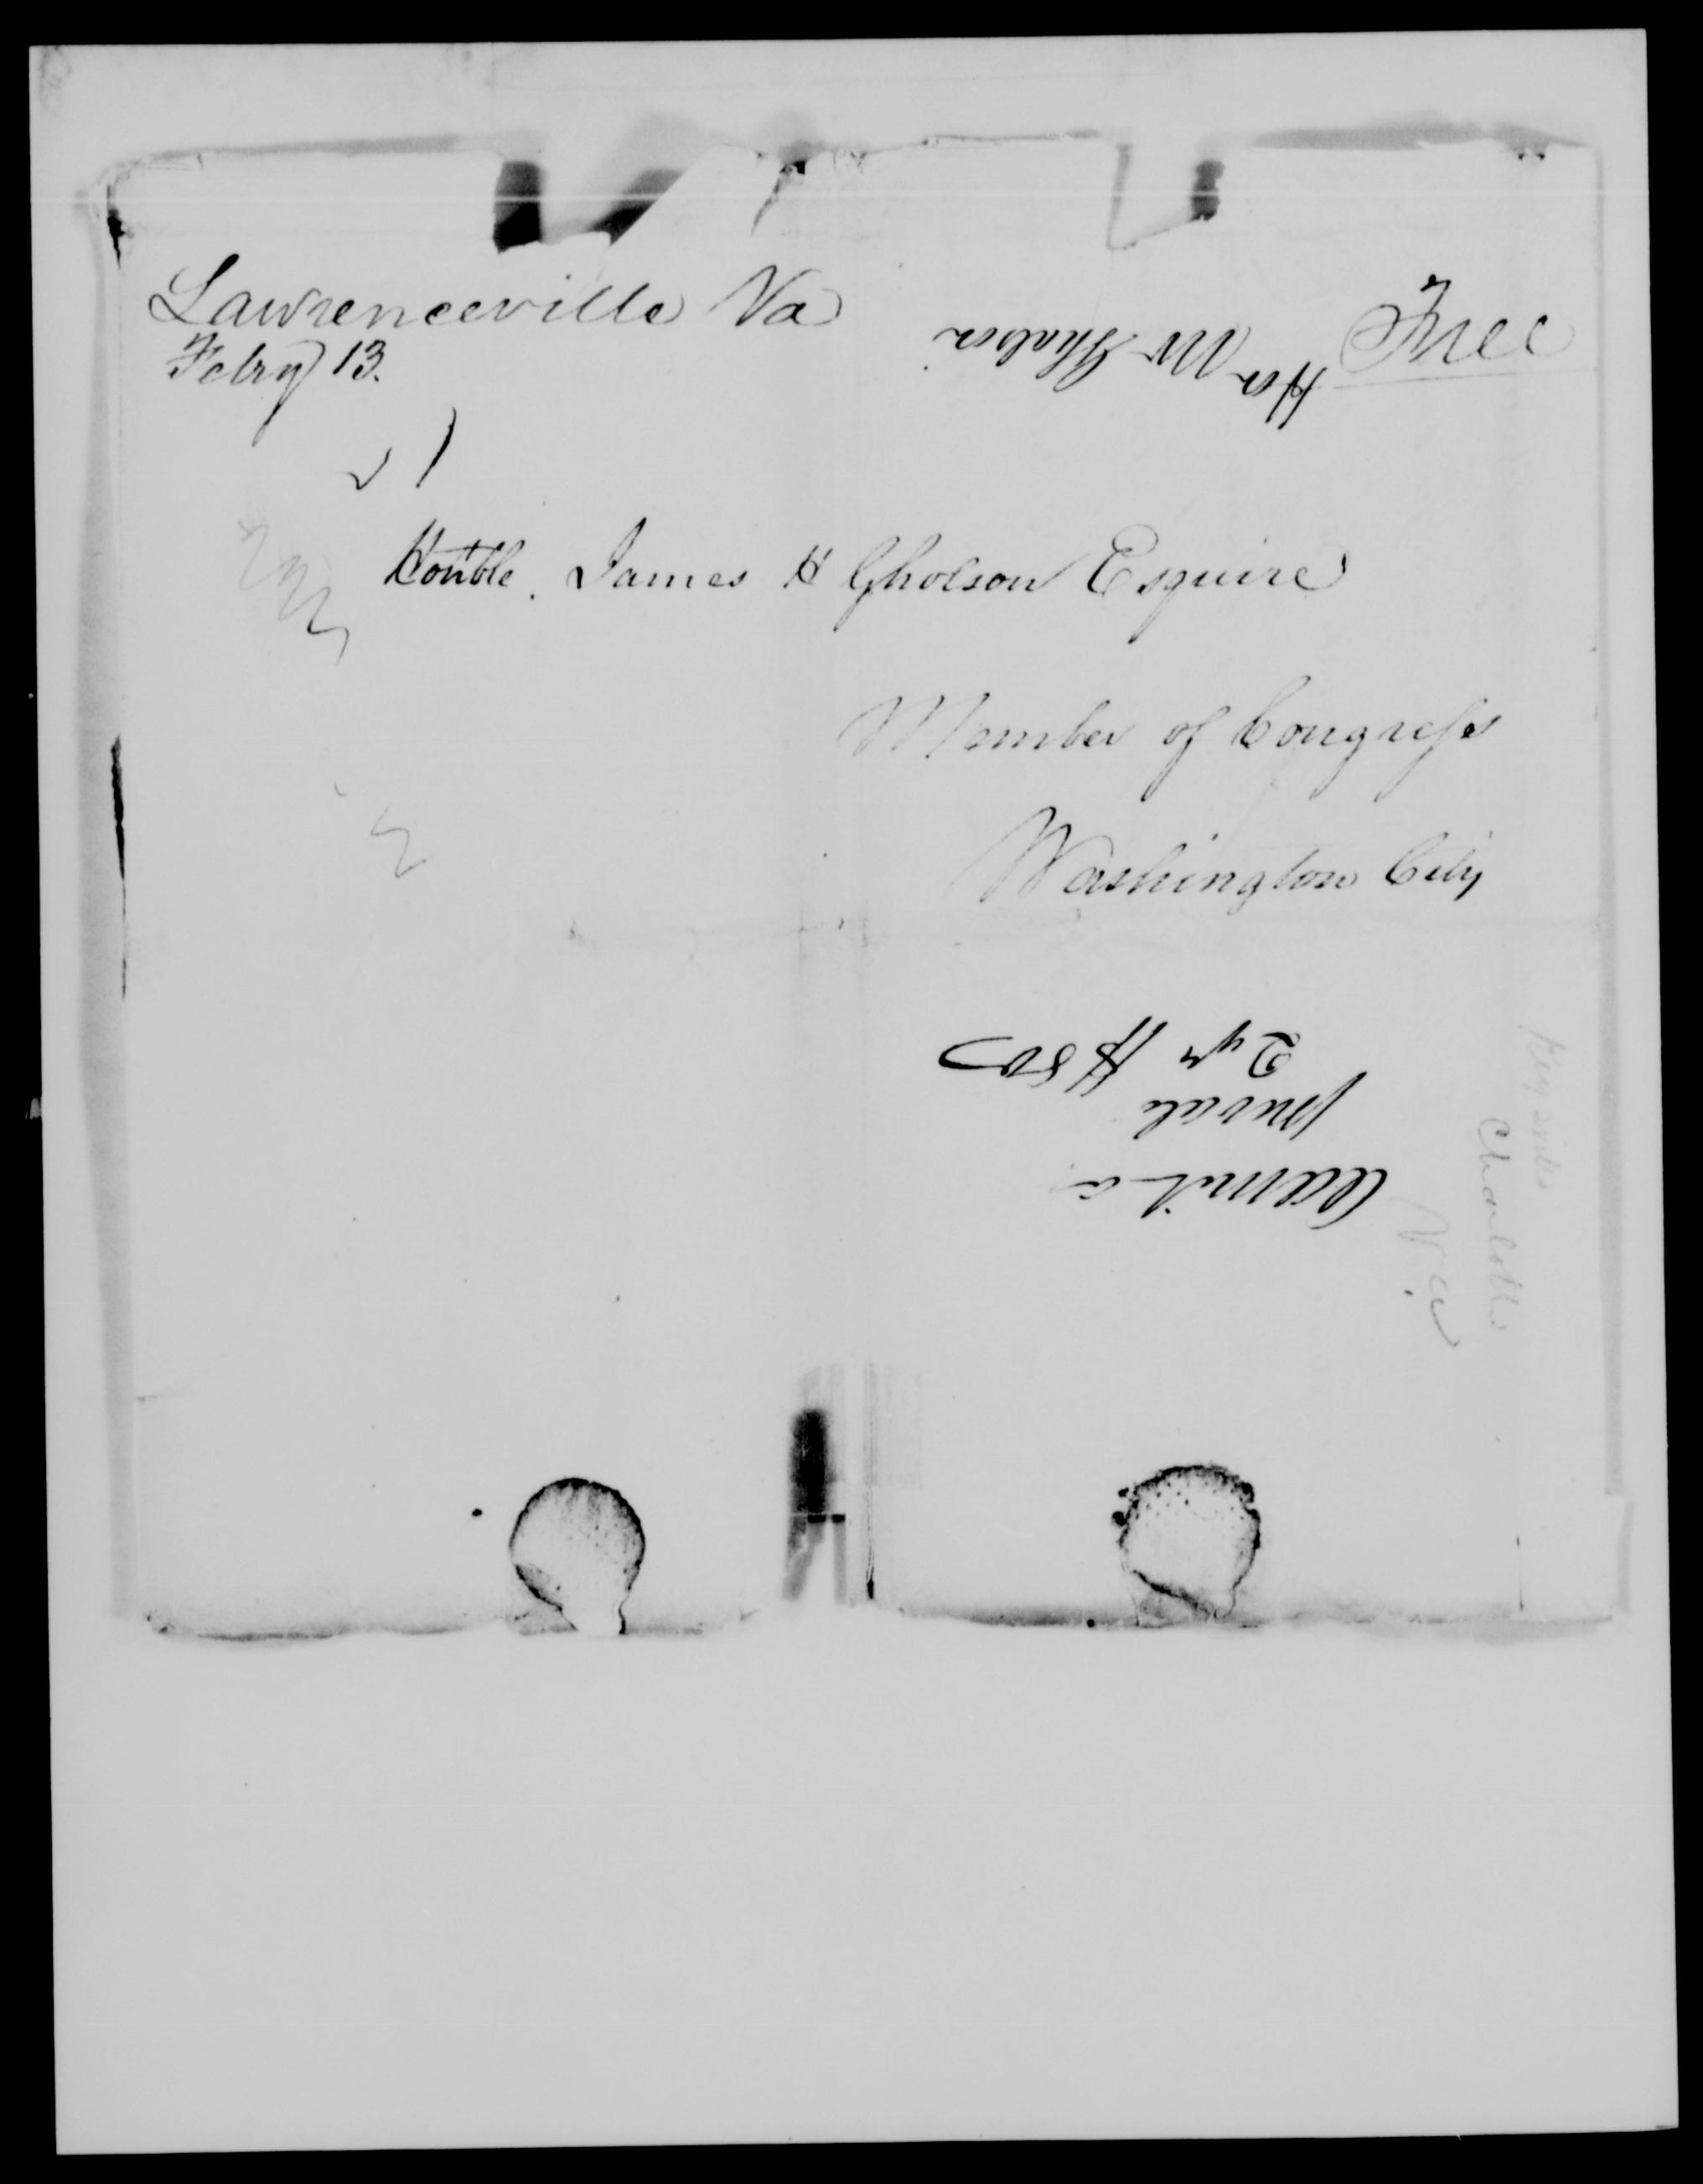Lawrenceville Va                           Free
Febry 13               Hon Wm Gholson[written upside down]

Honble. James H. Gholson Esquire
Member of Congress
Washington City

Key site Charlotte Va [written sideways on page]

Admit at}
private}      [This is written upside down on page]
2yr $80}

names: James H Gholson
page: 23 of 32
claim: survivor's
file: S. 16020, Thomas Whitlock, Va.